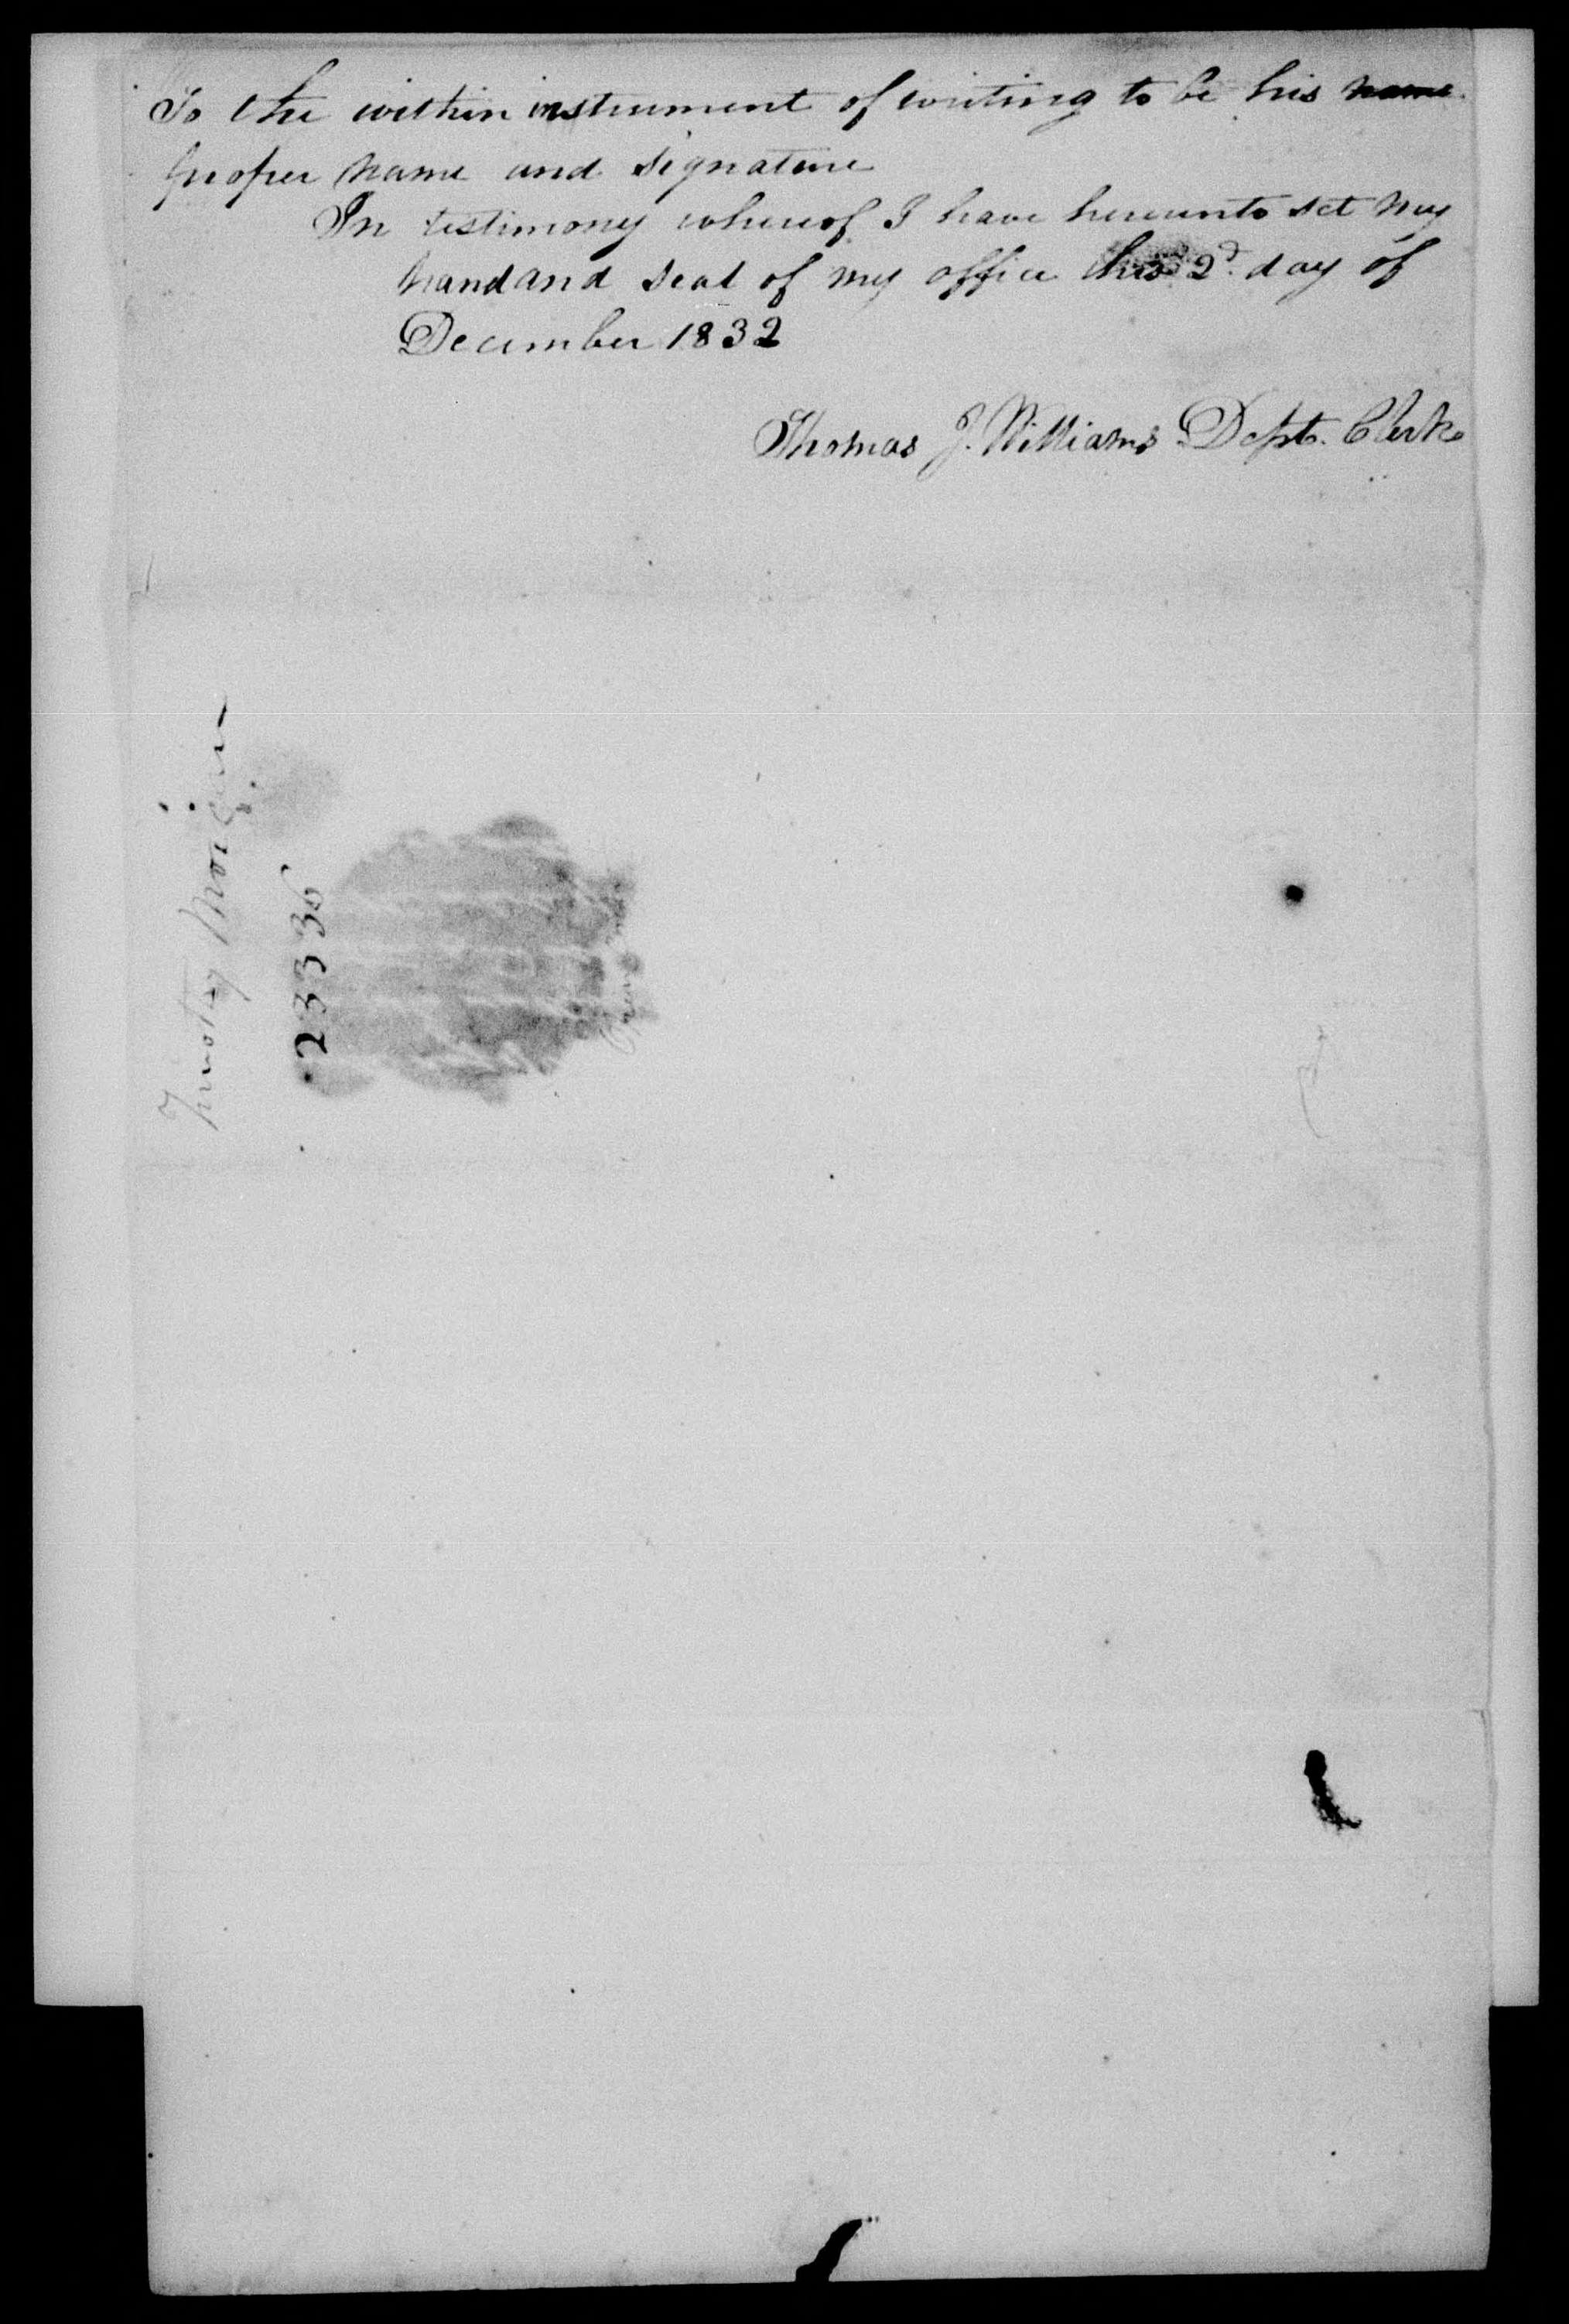To the within instrument of writing to be his
proper name and signature
In testimony whereof I have hereunto set my
hand and seal of my office this 2d day of
December 1832
Thomas J. Williams Dept Clerk
Timothy Morgan
23336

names: Thomas J Williams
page: 19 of 19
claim: rejected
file: R 7390, for Timothy Morgan, Connecticut